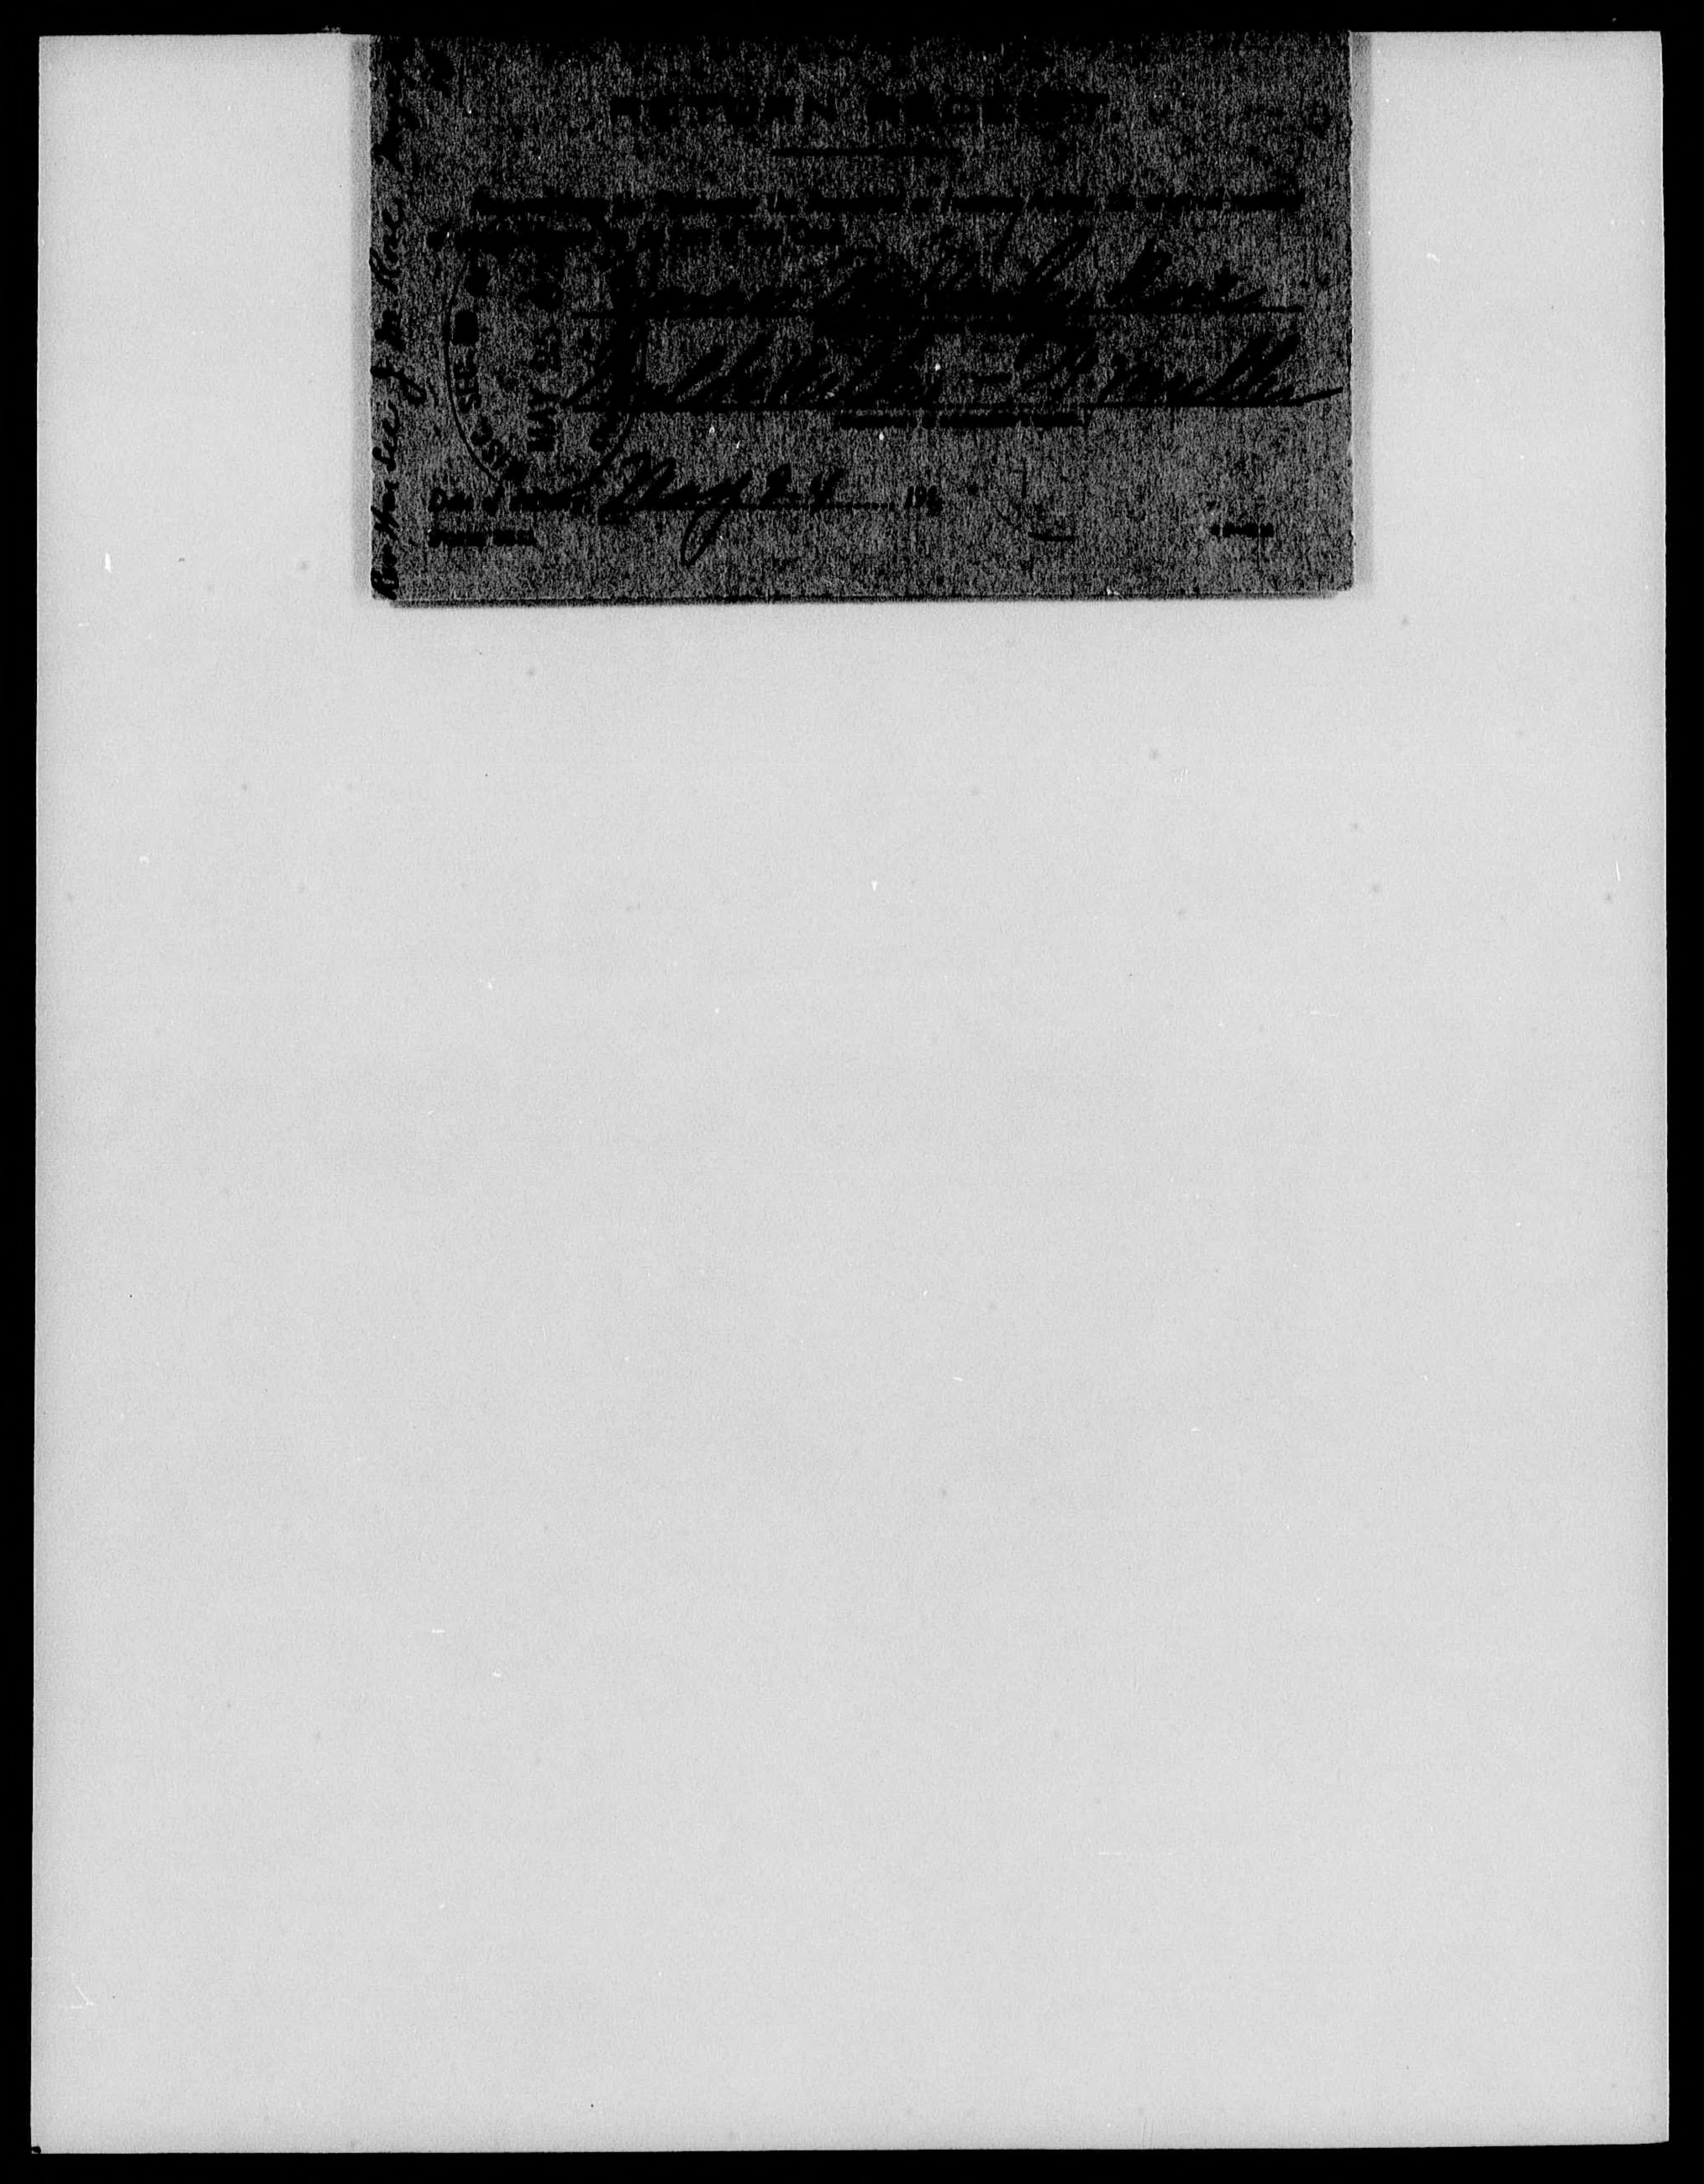[dark background, perhaps an envelope, barely legible]

RETURN RECEIPT

James McKinley [???]

[postmark - May 25, ????]

Date of [???] May 24 19[??]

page: 21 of 39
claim: survivor's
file: S. 2812, for David Mc Kinley, Pennsylvania